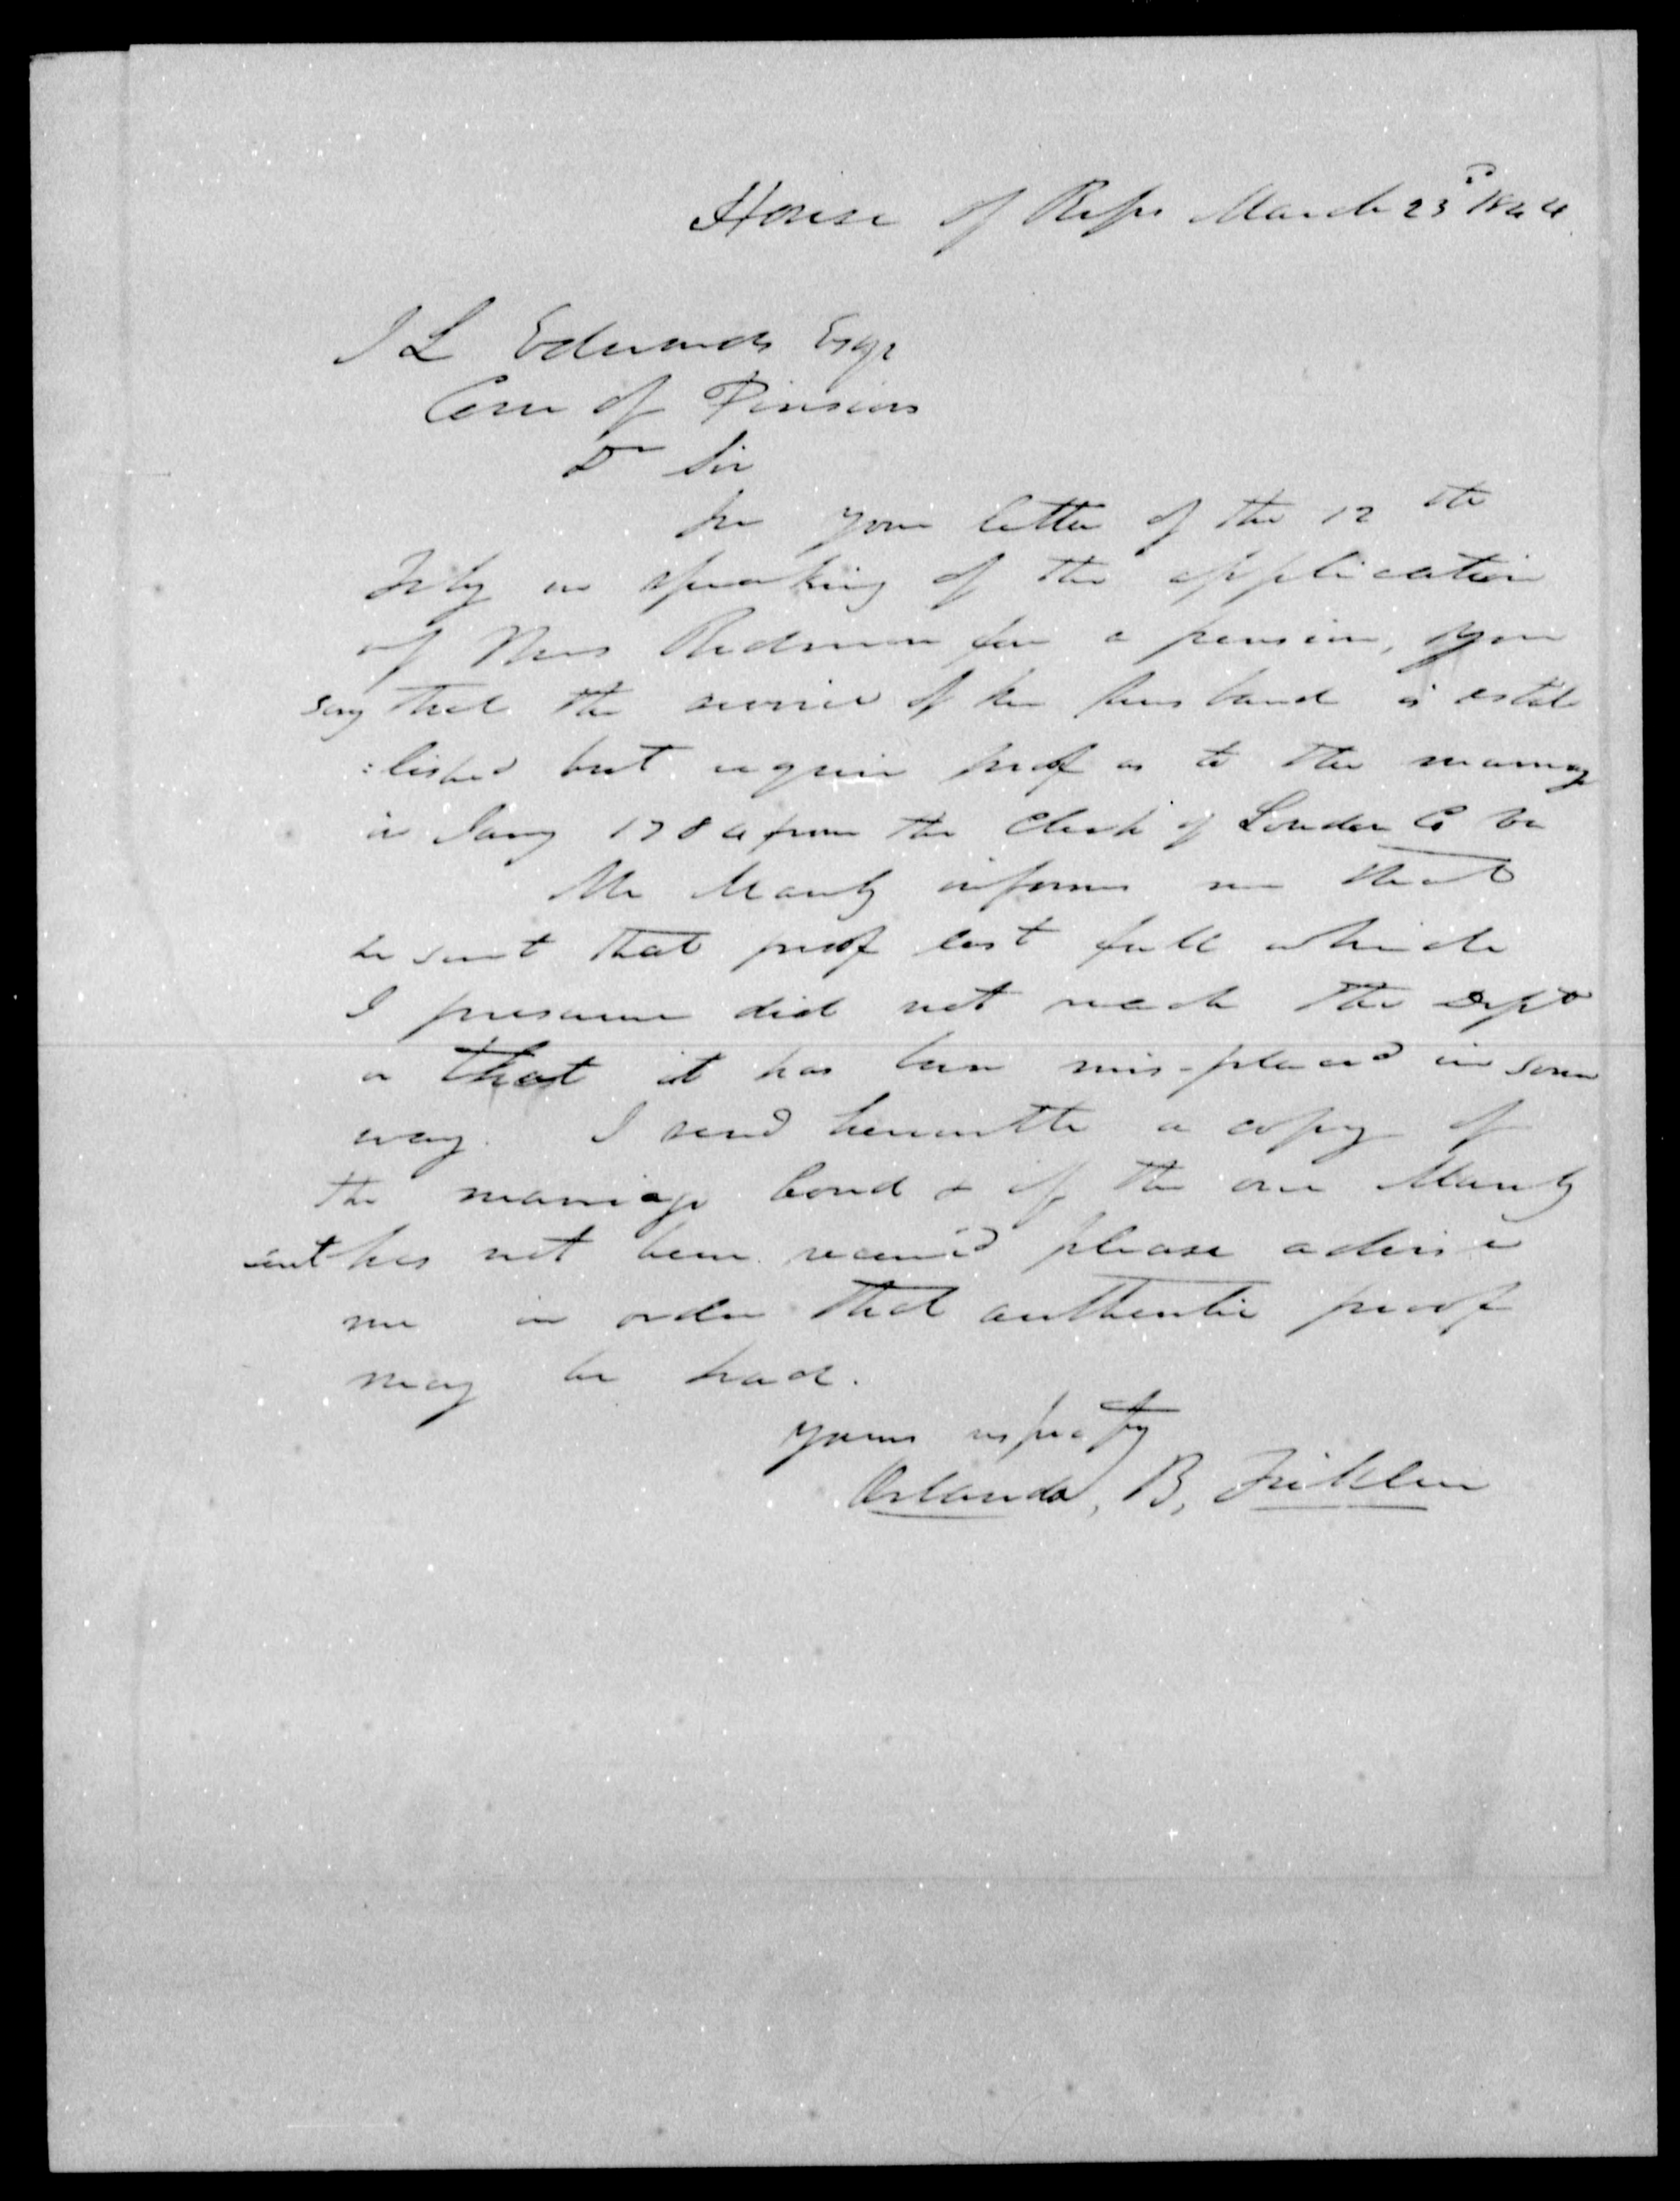House of Reps March 23rd 1844
J L Edwards Esq
Com of Pensions
Dr Sir
In your letter of the 12th July in speaking of the Application of Mrs. Redman for a pension,  you say that the service of her husband is established but inquire proof as to the marriage in Jany 1784 from the Clerk of Louden Co Va 
Mr. Manly informs me that he sent that proof last fall which I presume did not reach the Dept. or that it has been mis-placed in some way. I send herewith a copy of the marriage bond & if the one Manly sent has not been received please advise me in order that authentic proof may be had.
Yours respectly
Alexander B. Ficklin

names: J L Edwards; Orlando B Ficklin; [BLANK] Redman; [BLANK] Manly; [BLANK] Manly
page: 25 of 57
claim: widow's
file: W. 9,622, for Aaron Redman, Virginia